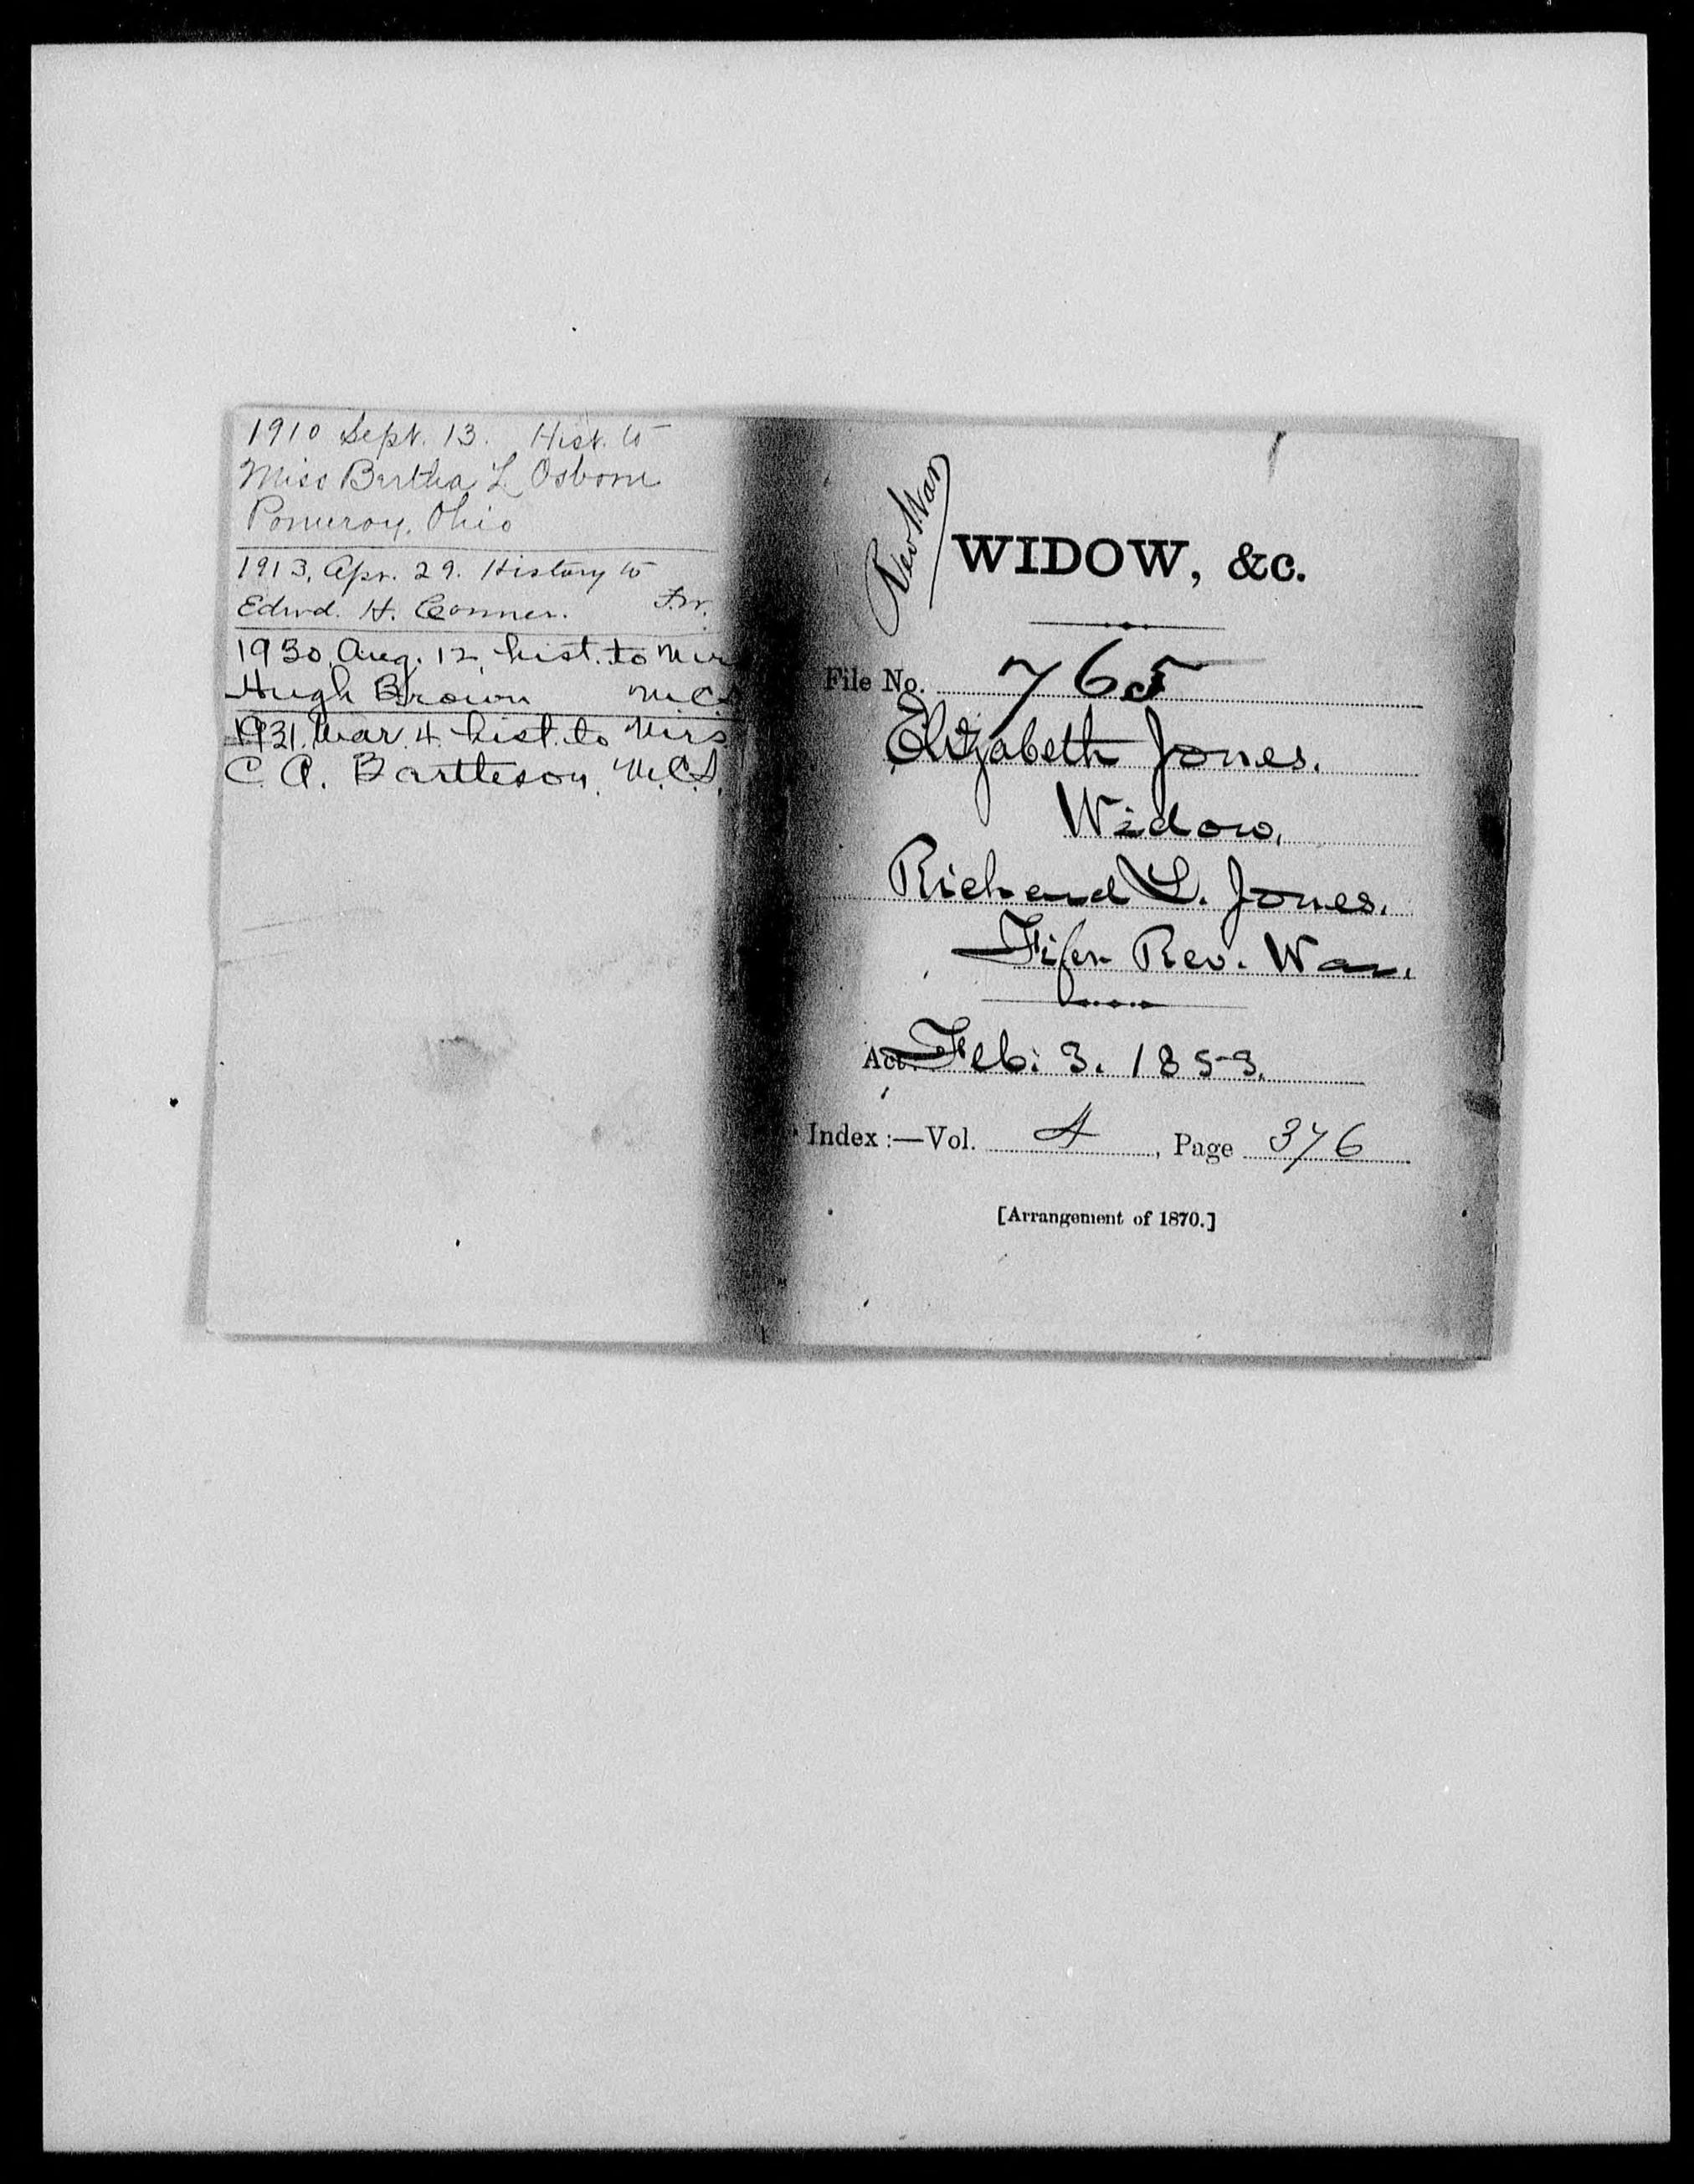1910 Sept. 13. Hist. to
Miss Bertha L Osborn
Pomeroy, Ohio
1913. Apr. 29. History to
Edw. H. Conner
F.r.r
1930 Aug. 12, hist to Mrs
Hugh Brown
M.C.S
1931 Mar 4 hist to Mrs
C. A. Bartleson, M.C.S
[Handwritten perpendicular to top:] Rev War
WIDOW, &c.
File No. 765
Elizabeth Jones
Widow,
Richard L. Jones
Fifer Rev. War.
Act Feb. 3. 1853
Page 37
Arrangement of 1870.]
Index: -- Vol. 4, Page 376
[Arrangement of 1870.]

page: 25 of 62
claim: widow's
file: W. 765, for Richard L Jones, Connecticut